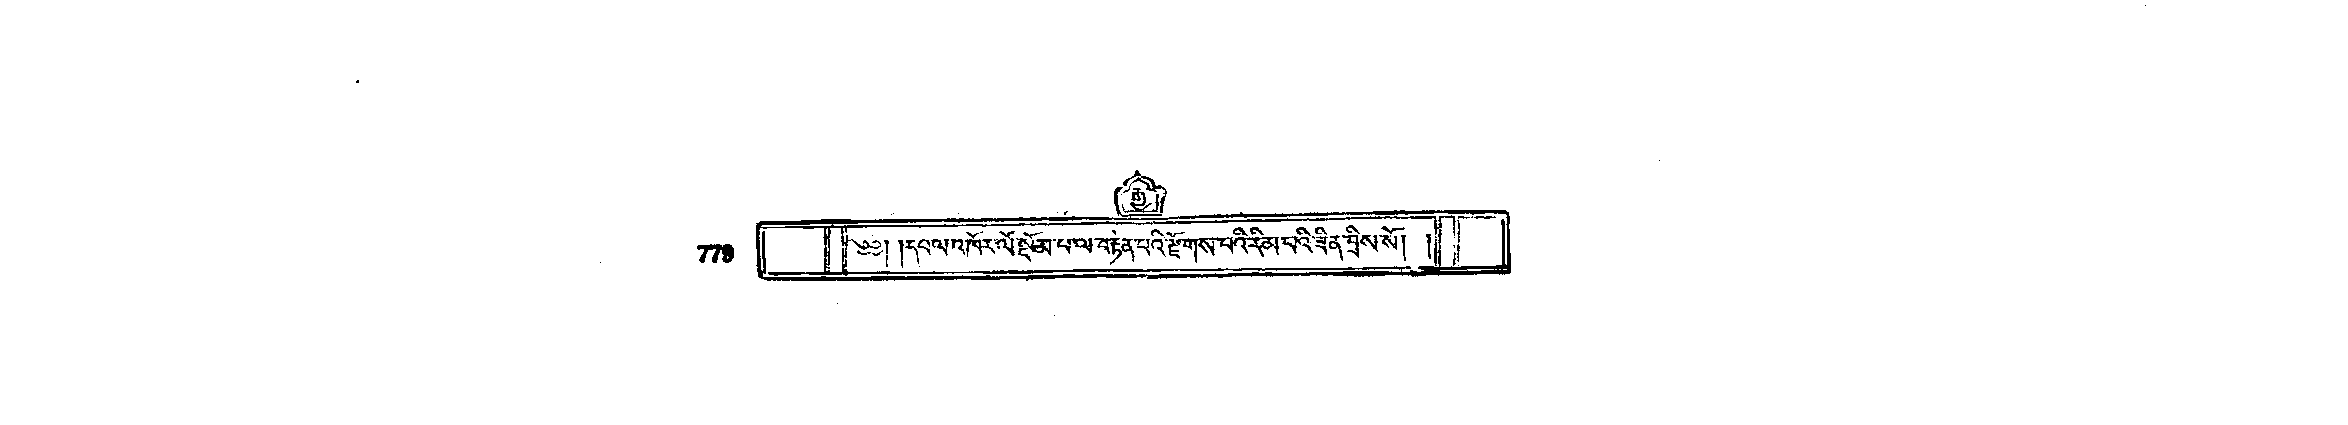??རྒྱ྄་༄༅། །དཔལ་འཁོར་ལོ་སྡོམ་པ་ལ་བརྟེན་པའི་རྫོགས་པའི་རིམ་པའི་ཟིན་བྲིས་སོ། །